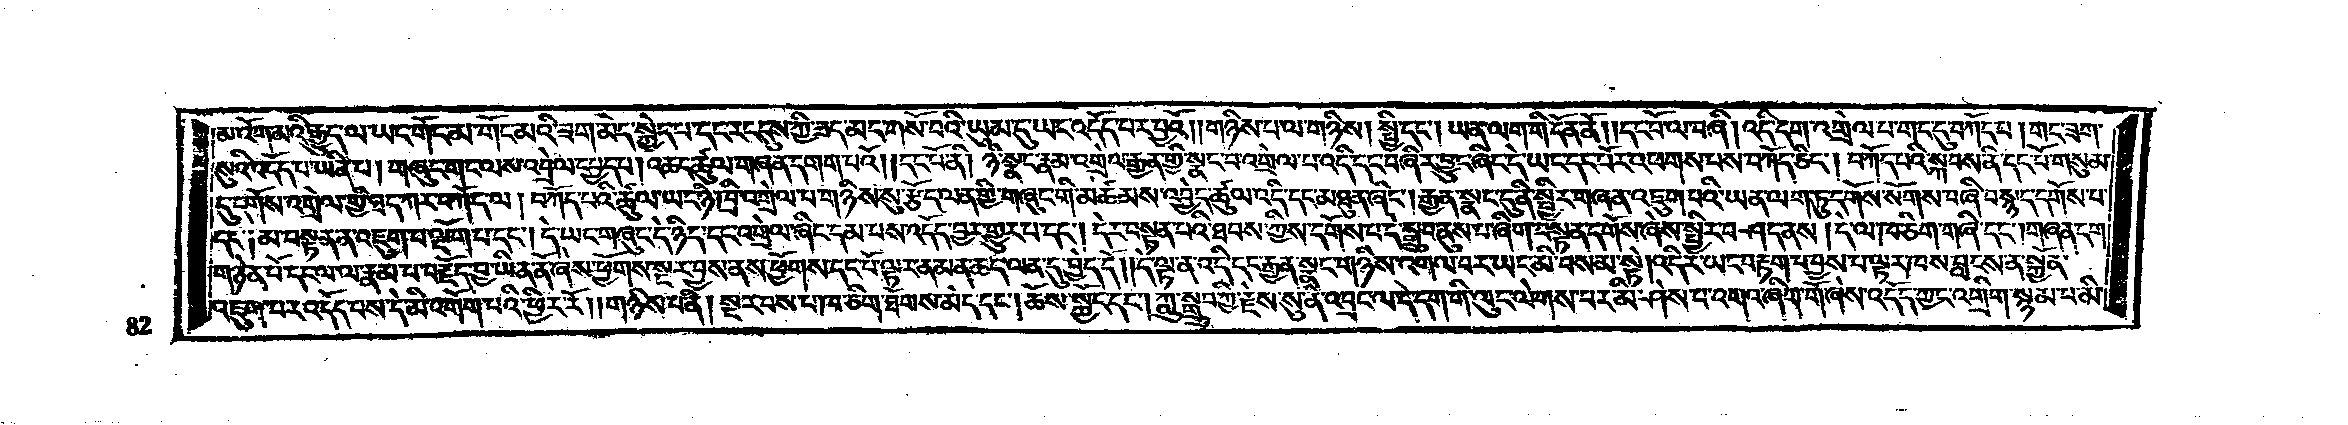མ་འོག་མའི་རྒྱུད་ལ་ཡང་གོང་མ་གོང་མའི་ཟག་མེད་སྐྱེད་པ་དང་རང་དུས་ཀྱི་ཟད་མེད་གསོ་བའི་ཡུམ་དུ་ཡང་འདོད་པར་བྱའོ། །གཉིས་པ་ལ་གཉིས། སྤྱི་དང་། ཡན་ལག་གི་དོན་ནོ། །དང་པོ་ལ་བཞི། འདི་དག་འགྲེལ་པ་གང་དུ་བཀོད་པ། གང་ཟག་
སུའི་འདོད་པ་ཡིན་པ། གཞུང་གང་ལས་འབྲེལ་དཔྱད་པ། འཆད་ཚུལ་གཞན་དགག་པའོ། །དང་པོ་ནི། ཉི་སྣང་རྣམ་འགྲེལ་རྒྱན་གྱི་སྣང་བ་འགྲེལ་པ་འདི་དང་བཞིར་བྱུང་ཞིང་དེ་ཡང་དང་པོར་འཕགས་པས་བཀོད་ཅིང་། བཀོད་པའི་སྐབས་ནི་དང་པོ་གསུམ་
དུ་དགོས་འགྲེལ་གྱི་ཐད་ཀར་བཀོད་ལ། བཀོད་པའི་ཚུལ་ཡང་ཉི་ཁྲི་འགྲེལ་པ་གཉིས་སུ་རྩོད་ལན་གྱི་གཞུང་གི་མཚམས་འབྱེད་ཚུལ་འདི་དང་མཐུན་ཞིང་། རྒྱན་སྣང་དུ་ནི་སྤྱིར་གཞན་འཇུག་པའི་ཡན་ལག་ཏུ་དགོས་སོགས་བཞི་བསྙད་དགོས་པ་
དང་། མ་བསྟན་ན་འཇུག་པ་ལྡོག་པ་དང་། དེ་ཡང་གཞུང་དེ་ཉིད་དང་འགྲེལ་ཞིང་དམ་པས་འདོད་བྱར་གྱུར་པ་དང་། དེར་བསྟན་པའི་ཐབས་ཀྱིས་དགོས་པ་དེ་སྒྲུབ་ནུས་པ་ཞིག་བསྟན་དགོས་ཞེས་སྤྱིར་བཤད་ནས། དེ་ལ་ཁ་ཅིག་གཞི་དང་། གཞན་དག་
གཉེན་པོ་དང་ལ་ལ་རྣམ་པ་བརྗོད་བྱ་ཡིན་ནོ་ཞེས་ཕྱོགས་སྔར་བྱས་ནས་ཕྱོགས་དང་པོ་ལྟར་ན་མན་ཆད་ལན་དུ་བྱེད་དོ། །དེ་ལྟ་ན་འདི་དང་རྒྱན་སྣང་གཉིས་འགལ་བར་ཡང་མི་བསམ་སྟེ། འདིར་ཡང་བརྟག་པ་བྱས་པ་ལྟར་ཁས་བླངས་ན་སྐྱོན་
འཇུག་པར་འདོད་པས་དེ་མི་འགོག་པའི་ཕྱིར་རོ། །གཉིས་པ་ནི། སྔ་རབས་པ་ཁ་ཅིག་ཐོགས་མེད་དང་། ཆོས་སྐྱོང་དང་། ཀླུ་སྒྲུབ་ཀྱི་རྗེས་སུ་ནི་འབྲང་ལ་དེ་དག་གི་ལུང་ལེགས་པར་མི་ཤེས་པ་འགའ་ཞིག་གོ་ཞེས་འདོད་ཀྱང་འགྲིག་སྙམ་པ་མི་